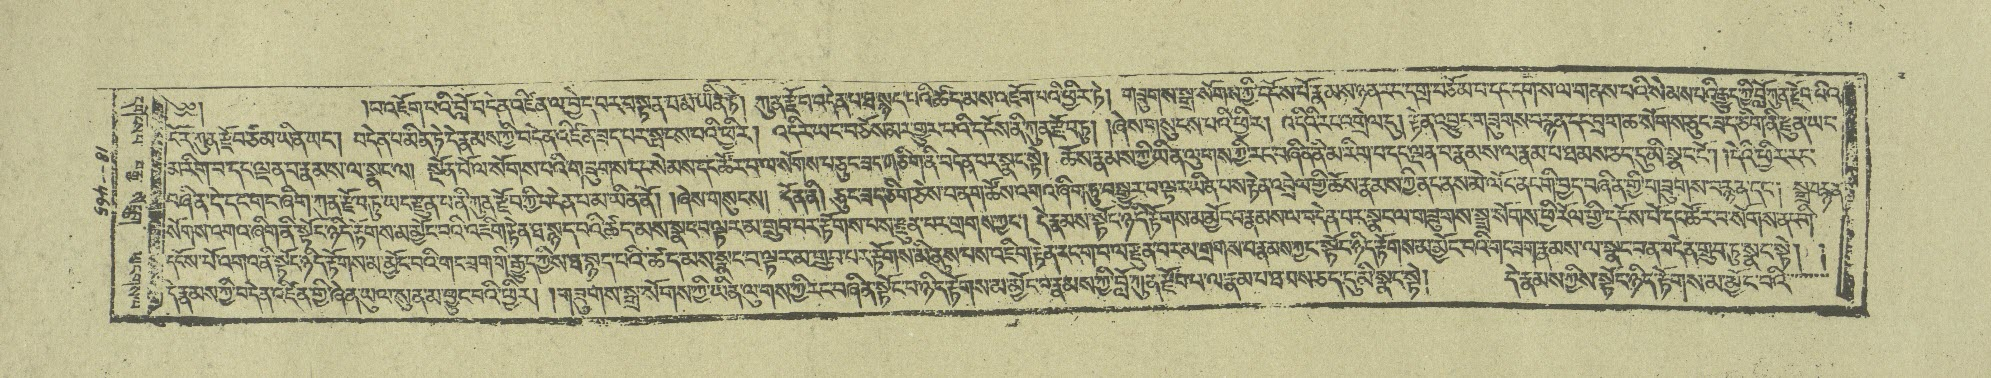༄༅། །པ་འཇོག་པའི་བློ་བདེན་འཛིན་ལ་བྱེད་པར་བསྟན་པ་མ་ཡིན་ཏེ། ཀུན་རྫོབ་བདེན་པ་ཐ་སྙད་པའི་ཚད་མས་འཇོག་པའི་ཕྱིར་ཏེ། གཟུགས་སྒྲ་སོགས་ཀྱི་དངོས་པོ་རྣམས་ཉན་རང་དགྲ་བཅོམ་པ་དང་དགས་ལ་གནས་པའི་སེམས་པའི་རྒྱུད་ཀྱི་བློ་ཀུན་རྫོབ་པའི་
ངོར་ཀུན་རྫོབ་ཙམ་ཡིན་ཡང་། བདེན་པ་མིན་ཏེ་དེ་རྣམས་ཀྱི་བདེན་འཛིན་ཟད་པར་སྤངས་པའི་ཕྱིར། འདིར་ཡང་བཅོས་མར་གྱུར་པའི་དངོས་ནི་ཀུན་རྫོབ་ཏུ། །ཞེས་གསུངས་པའི་ཕྱིར། འདིའི་རང་འགྲེལ་དུ། རྟེན་འབྱུང་གཟུགས་བརྙན་དང་བྲག་ཆ་སོགས་ཅུང་ཟད་ཅིག་ནི་རྫུན་ཡང་
མ་རིག་པ་དང་ལྡན་པ་རྣམས་ལ་སྣང་ལ། སྔོན་པོ་ལ་སོགས་པའི་གཟུགས་དང་སེམས་དང་ཚོར་བ་ལ་སོགས་པ་ཅུང་ཟད་གཅིག་ནི་བདེན་པར་སྣང་སྟེ། ཆོས་རྣམས་ཀྱི་ཡིན་ལུགས་ཀྱི་རང་བཞིན་ནི་མ་རིག་པ་དང་ལྡན་པ་རྣམས་ལ་རྣམ་པ་ཐམས་ཅད་དུ་མ་སྣང་ངོ། །དེའི་ཕྱིར་རང་
བཞིན་དེ་དང་གང་ཞིག་ཀུན་རྫོབ་ཏུ་ཡང་རྫུན་པ་ནི་ཀུན་རྫོབ་ཀྱི་བདེན་པ་མ་ཡིན་ནོ། །ཞེས་གསུངས། དོན་ནི། ཅུང་ཟད་ཅིག་ཅེས་པ་ནག་ཚོས་འགའ་ཞིག་ཏུ་བསྒྱུར་བ་ལྟར་ཡིན་པས་རྟེན་འབྲེལ་གྱི་ཆོས་རྣམས་ཀྱི་ནང་ནས་མེ་ལོང་ནང་གི་བྱད་བཞིན་གྱི་གཟུགས་བརྙན་དང་། སྒྲ་བརྙན་
སོགས་འགའ་ཞིག་ནི་སྟོང་ཉིད་རྟོགས་མ་མྱོང་བའི་འཇིག་རྟེན་ཐ་སྙད་པའི་ཚད་མས་སྣང་བ་ལྟར་མ་གྲུབ་པར་རྟོགས་པས་རྫུན་པར་གྲགས་ཀྱང་། དེ་རྣམས་སྟོང་ཉིད་རྟོགས་མ་མྱོང་བ་རྣམས་ལ་བདེན་པར་སྣང་ལ་གཟུགས་སྒྲ་སོགས་ཕྱི་རོལ་གྱི་དངོས་པོ་དང་ཚོར་བ་སོགས་ནང་གི་
དངོས་པོ་འགའ་ནི་སྟོང་ཉིད་རྟོགས་མ་མྱོང་བའི་གང་ཟག་གི་རྒྱུད་ཀྱིས་ཐ་སྙད་པའི་ཚད་མས་སྣང་བ་ལྟར་མ་གྲུབ་པར་རྟོགས་མི་ནུས་པས་འཇིག་རྟེན་རང་ག་བ་ལ་རྫུན་པར་མ་གྲགས་པ་རྣམས་ཀྱང་སྟོང་ཉིད་རྟོགས་མ་མྱོང་བའི་གང་ཟག་རྣམས་ལ་སྣང་བ་ན་བདེན་གྲུབ་ཏུ་སྣང་སྟེ། །
དེ་རྣམས་ཀྱི་བདེན་འཛིན་གྱི་ཞེན་ཡུལ་སུན་མ་ཕྱུང་བའི་ཕྱིར། །གཟུགས་སྒྲ་སོགས་ཀྱི་ཡིན་ལུགས་ཀྱི་རང་བཞིན་སྟོང་བ་ཉིད་རྟོགས་མ་མྱོང་བ་རྣམས་ཀྱི་བློ་ཀུན་རྫོབ་པ་ལ་རྣམ་པ་ཐམས་ཅད་དུ་མི་སྣང་སྟེ། དེ་རྣམས་ཀྱིས་སྟོང་ཉིད་རྟོགས་མ་མྱོང་བའི་